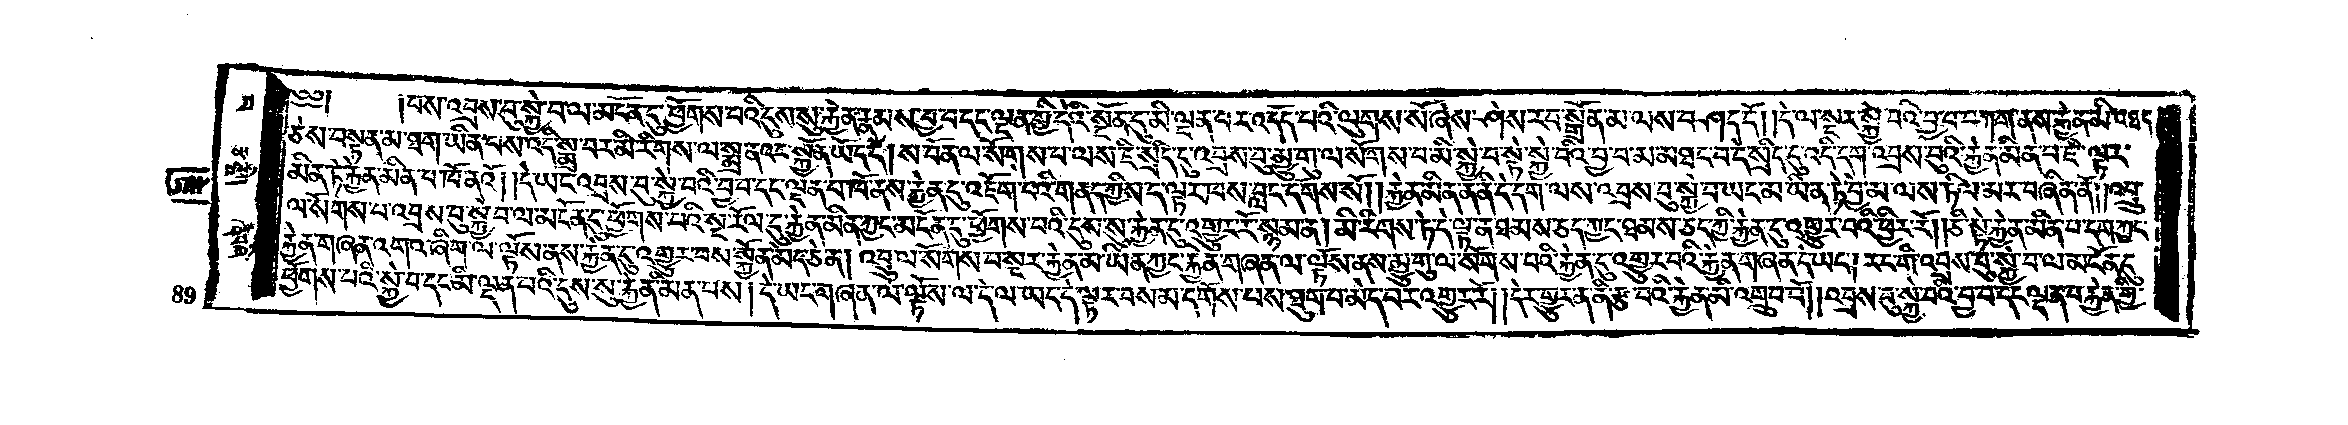༄༅། །པས་འབྲས་བུ་སྐྱེ་བ་ལ་མངོན་དུ་ཕྱོགས་པའི་དུས་སུ་རྐྱེན་རྣམས་བྱ་བ་དང་ལྡན་གྱི་དེའི་སྔོན་དུ་མི་ལྡན་པར་འདོད་པའི་ལུགས་སོ་ཞེས་ཤེས་རབ་སྒྲོན་མ་ལས་བཤད་དོ། །དེ་ལ་སྔར་སྐྱེ་བའི་བྱ་བ་བཀག་ནས་རྐྱེན་མི་འཐད་
ཅེས་བསྟན་མ་ཐག་ཡིན་པས་འདི་སྨྲ་བར་མི་རིགས་ལ་སྨྲ་ནའང་སྐྱོན་ཡོད་དེ། ས་བོན་ལ་སོགས་པ་ལས་ཇི་སྲིད་དུ་འབྲས་བུ་མྱུ་གུ་ལ་སོགས་པ་མི་སྐྱེ་བ་སྟེ་སྐྱེ་བའི་བྱ་བ་མ་མཐང་བ་དེ་སྲིད་དུ་འདི་དག་འབྲས་བུའི་རྐྱེན་མིན་པ་ཇི་ལྟར་
མིན་ཏེ་རྐྱེན་མིན་པ་ཁོ་ནའོ། །དེ་ཡང་འབྲས་བུ་སྐྱེ་བའི་བྱ་བ་དང་ལྡན་པ་ཁོ་ནས་རྐྱེན་དུ་འཇོག་པའི་གནད་ཀྱིས་ད་ལྟ་ཁས་བླང་དགོས་སོ། །རྐྱེན་མིན་ན་ནི་དེ་དག་ལས་འབྲས་བུ་སྐྱེ་བ་ཡང་མ་ཡིན་ཏེ་བྱ་མ་ལས་ཏིལ་མར་བཞིན་ནོ། །འབྲུ་
ལ་སོགས་པ་འབྲས་བུ་སྐྱེ་བ་ལ་མངོན་དུ་ཕྱོགས་པའི་སྔ་རོལ་དུ་རྐྱེན་མིན་ཀྱང་མངོན་དུ་ཕྱོགས་པའི་དུས་སུ་རྐྱེན་དུ་འགྱུར་རོ་སྙམ་ན། མི་རིགས་ཏེ་དེ་ལྟ་ན་ཐམས་ཅད་ཀྱང་ཐམས་ཅད་ཀྱི་རྐྱེན་དུ་འགྱུར་བའི་ཕྱིར་རོ། །ཅི་སྟེ་རྐྱེན་མིན་པ་དག་ཀྱང་
རྐྱེན་གཞན་འགའ་ཞིག་ལ་ལྟོས་ནས་རྐྱེན་དུ་འགྱུར་བས་སྐྱོན་མེད་ཅེ་ན། འབྲུ་ལ་སོགས་པ་སྔར་རྐྱེན་མ་ཡིན་ཀྱང་རྐྱེན་གཞན་ལ་ལྟོས་ནས་མྱུ་གུ་ལ་སོགས་པའི་རྐྱེན་དུ་འགྱུར་བའི་རྐྱེན་གཞན་དེ་ཡང་། རང་གི་འབྲས་བུ་སྐྱེ་བ་ལ་མངོན་དུ་
ཕྱོགས་པའི་སྐྱེ་བ་དང་མི་ལྡན་པའི་དུས་སུ་རྐྱེན་མིན་པས། དེ་ཡང་གཞན་ལ་ལྟོས་ལ་དེ་ལ་ཡང་དེ་ལྟར་བསམ་དགོས་པས་ཐུག་བ་མེད་པར་འགྱུར་རོ། །དེར་གྱུར་ན་ནི་རྩ་བའི་རྐྱེན་མི་འགྲུབ་པོ། ། འབྲས་བུ་སྐྱེ་བའི་བྱ་བ་དང་ལྡན་པ་རྐྱེན་གྱི་